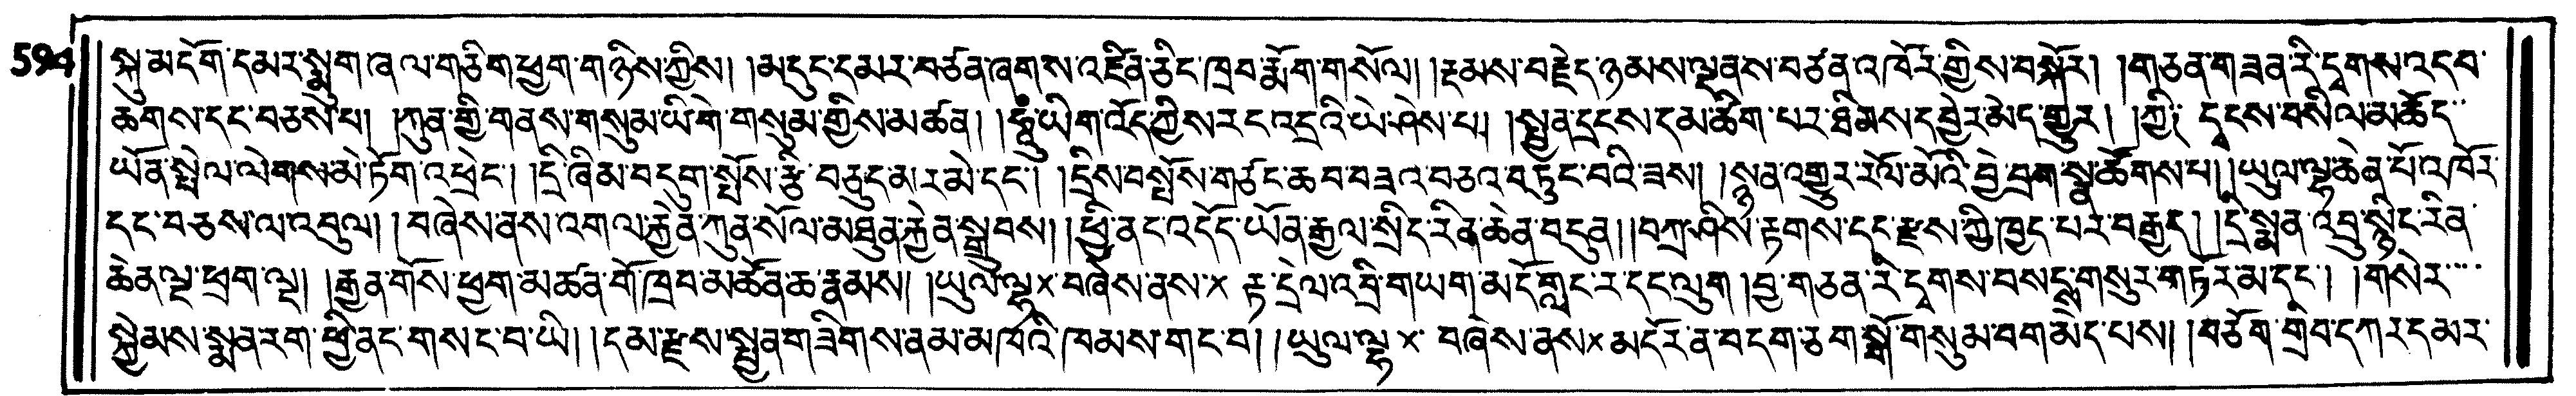སྐུ་མདོག་དམར་སྨུག་ཞལ་གཅིག་ཕྱག་གཉིས་ཀྱིས། །མདུང་དམར་བཙན་ཞུག་ས་འཛིན་ཅིང་ཁྲབ་རྨོག་གསོལ། །རྔམས་བརྗེད་ཉམས་ལྡན་ས་བཙན་འཁོར་གྱིས་བསྐོར། །གཅན་གཟན་རི་དྭགས་འདབ་
ཆགས་དང་བཅས་པ། །ཀུན་གྱི་གནས་གསུམ་ཡི་གེ་གསུམ་གྱིས་མཚན། །ཧཱུཾ་ཡི་གེ་འོད་ཀྱིས་རང་འདྲའི་ཡེ་ཤེས་པ། །སྤྱན་དྲངས་དམ་ཚིག་པར་ཐིམས་དབྱེར་མེད་གྱུར། །ཀྱི༑ དྭངས་བསིལ་མཆོད་་་
ཡོན་སྤེལ་ལེགས་མེ་ཏོག་འཕྲེང་། །དྲི་ཞིམ་བདུག་སྤོས་རྩི་བཅུད་མར་མེ་དང་། །དྲིས་བསྤོས་གཙང་ཆབ་བཟའ་བཅའ་བཏུང་བའི་ཟས། །སྙན་འགྱུར་རོལ་མོའི་བྱེ་བྲག་སྣ་ཚོགས་པ། །ཡུལ་ལྷ་ཆེན་པོ་འཁོར་
དང་བཅས་ལ་འབུལ། །བཞེས་ནས་འགལ་རྐྱེན་ཀུན་སོལ་མཐུན་རྐྱེན་སྒྲུབས། །ཕྱི་ནང་འདོད་ཡོན་རྒྱལ་སྲིད་རིན་ཆེན་བདུན། །བཀྲ་ཤིས་རྟགས་དང་རྫས་ཀྱི་ཁྱད་པར་བརྒྱད། །དྲི་སྨན་འབྲུ་སྙིང་རིན་
ཆེན་ལྔ་ཕྲག་ལྔ། །རྒྱན་གོས་ཕྱག་མཚན་གོ་ཁྲབ་མཚོན་ཆ་རྣམས། །ཡུལ་ལྷ་྾་བཞེས་ནས་྾་རྟ་དྲེལ་འབྲི་གཡག་མདོ་གླང་ར་དང་ལུག །བྱ་གཅན་རི་དྭགས་བསངས་གསུར་གཏོར་མ་དང་། །གསེར་་་
སྐྱེམས་སྨན་རག་ཕྱི་ནང་གསང་བ་ཡི། །དམ་རྫས་སྤྱན་གྫིས་ནམ་མཁའི་ཁམས་གང་བ། །ཡུལ་ལྷ་྾་བཞེས་ནས་྾་མདོར་ན་བདག་ཅག་སྒོ་གསུམ་བག་མེད་པས། །བཅོག་གྲིབ་དཀར་དམར་